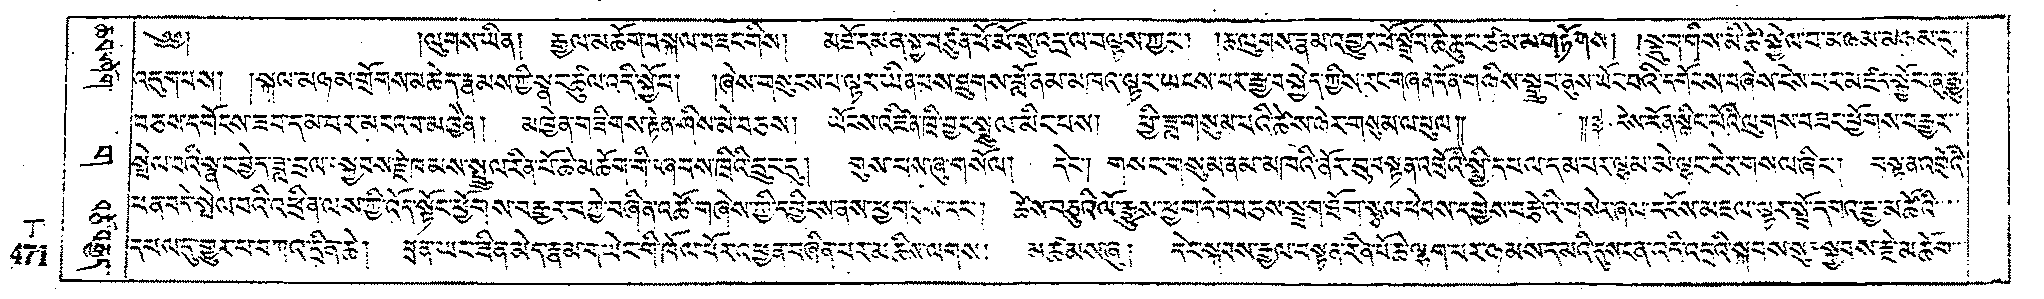༄༅། །ལུགས་ཡིན། རྒྱལ་མཆོག་བསྐལ་བཟང་གིས། མཐོ་དམན་སྐྱ་བཙུན་ཕོ་མོ་སུ་འདྲ་ལ་བལྟས་ཀྱང་། །ཆ་ལུགས་རྣམ་འགྱུར་ཕོ་སྒྲོབ་ཆེ་ཆུང་ཙམ་མ་གཏོགས། །སྡུག་གིས་མི་ཚེ་སྐྱེལ་བ་མཉམ་མཉམ་དུ་་་
འདུག་པས། །སྐལ་མཉམ་གྲོགས་མཆེད་རྣམས་ཀྱི་སྣང་ཚུལ་འདི་སྐྱོབ། །ཞེས་གསུངས་པ་ལྟར་ཡིན་པས་ཐུགས་བློ་ནམ་མཁའ་ལྟར་ཡངས་པར་རྒྱ་བསྐྱེད་ཀྱིས་རང་གཞན་དོན་གཉིས་སྒྲུབ་ནུས་ཡོང་བའི་དགོངས་བཞེས་ངེས་པར་མཛད་སྐྱོང་ཞུ་རྒྱུ་
བཅས་དགོངས་ཟབ་དམ་པར་མངའ་བ་མཁྱཻན། མཁྱེན་གཟིགས་རྟེན་ཤིས་མེ་བཅས། ཡོངས་འཛིན་ཁྲི་བྱང་སྤྲུལ་མིང་པས། ཕྱི་ཟླ་གསུམ་པའི་ཚེས་ཉེར་གསུམ་ལ་ཕུལ།། །།འ་ངེས་དོན་སྙིང་པོའི་ལུགས་བཟང་ཕྱོགས་བརྒྱར་་་
སྤེལ་བའི་སྣང་བྱེད་ཟླ་བྲལ ༧སྐྱབས་རྗེ་ཁམས་སྤྲུལ་རིན་པོ་ཆེ་མཆོག་གི ༧ཞབས་ཁྲིའི་དྲུང་དུ། གུས་པ་ཞུ་གསོལ། དེང་། གསང་གསུམ་ནམ་མཁའི་ནོར་བུ་བསྟན་འགྲོའི་སྤྱི་དཔལ་དམ་པར་ལྷམ་མེ་ལྷང་ངེར་གསལ་ཞིང་། བསྟན་འགྲོའི་
ཕན་བདེ་སྤེལ་བའི་འཕྲིན་ལས་ཀྱི་འོད་སྟོང་ཕྱོགས་བརྒྱར་བཀྱེ་བཞིན་འཚོ་གཞེས་ཀྱི་དབྱིངས་ནས་ཕྱག་བྲིས་དང་། ཚེས་བཅུའི་ལོ་རྒྱུས་ཕྱག་དེབ་བཅས་སྦྲག་ཐོག་སྩལ་ཕེབས་དགྱེས་བརྩེའི་གསེར་ཞལ་དངོས་མཇལ་ལྟར་སྤྲོ་དགའ་རྒྱ་མཚོའི་་་
དཔལ་དུ་གྱུར་པ་བཀའ་དྲིན་ཆེ། ཕྲན་ཡང་ཟིན་མེད་རྣམ་གཡེང་གི་ཁོལ་པོར་འཕྱན་བཞིན་པར་མཆིས་ལགས། མཚམས་ཞུ། དེང་སྐབས་རྒྱལ་བསྟན་རིན་པོ་ཆེ་ལྷག་པར་ཉམས་དམའི་དུས་ངན་འདི་འདྲའི་སྐབས་སུ ༧སྐྱབས་རྗེ་མཆོག་་་